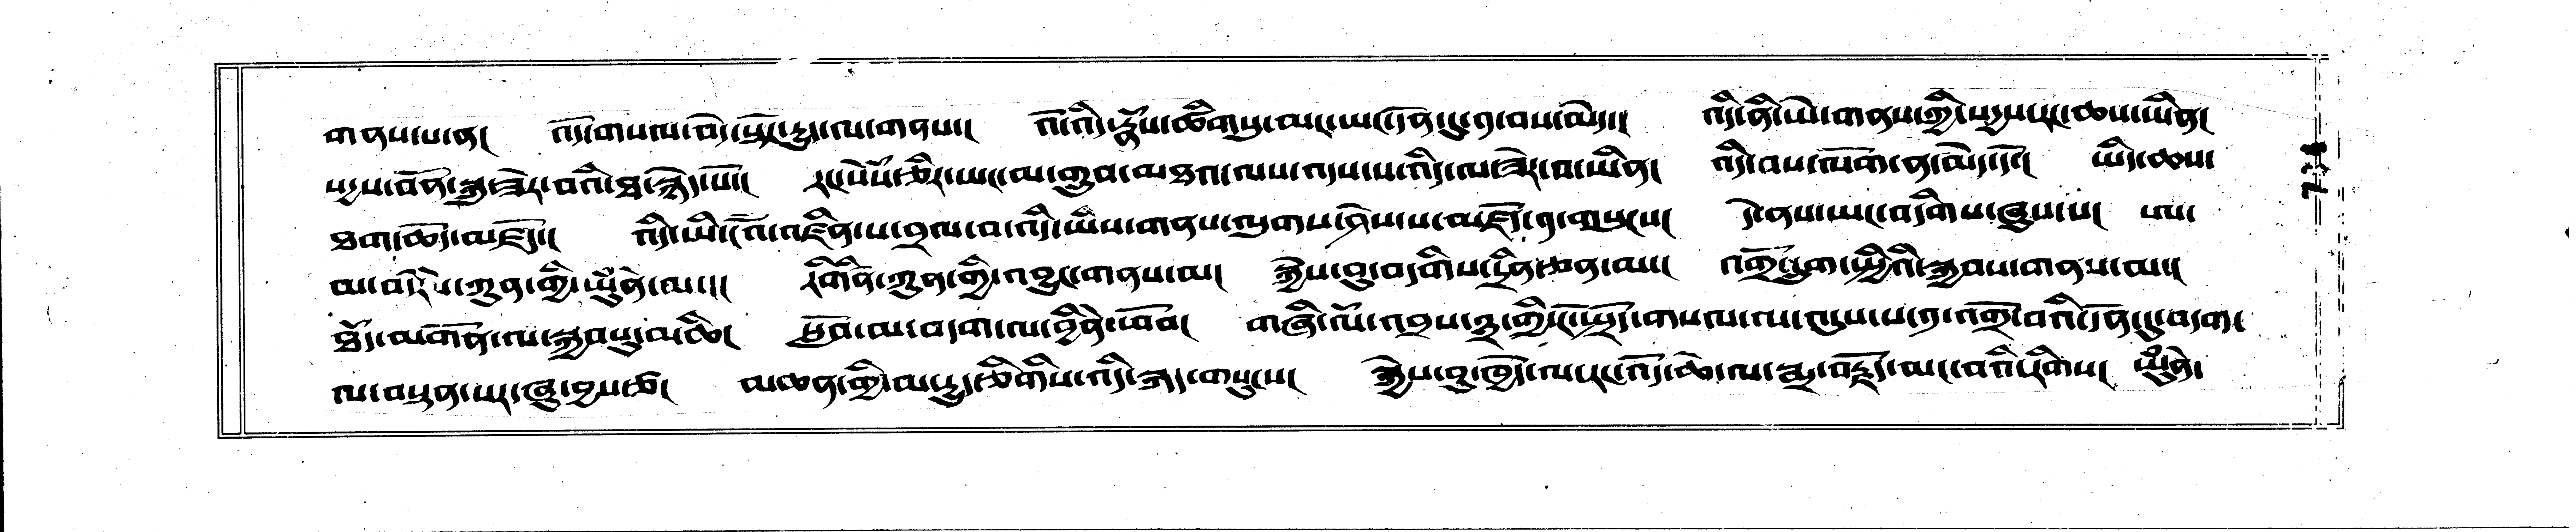གནས་པ་ན། འོད་གསལ་བདེ་སྟོང་རྒྱུད་ལ་གནས། འོ་འདི་རྣམས་ཚིགས་སུ་མང་ཡང་དོན་དུ་གཅིག་བས་མེད། འདི་ནི་ཡེ་གནས་ཀྱི་སངས་རྒྱས་རང་ཆས་ཡིན།
 སངས་རྒྱས་བོན་སྐུ་ཟེར་བའི་ཐ་སྙད་པོ། རང་སེམས་ཅི་ཡང་མ་གྲུབ་མཐའ་ལས་འདས་པ་འདི་ལ་ཟེར་བ་ཡིན། འདི་བས་ལོགས་ན་མེད་དོ། །ཡིད་ཆེས་
ཐག་ཆོད་མཛོད། འདི་ཡི་ངོའོ་འཛིན་པ་བྲལ་བ་འདི་ཡི་གནས་ལུགས་ཤེས་པར་མཛོད་ཅིག་གསུངས། དེ་ནས་ཡང་བདག་གིས་ཞུས་པ། ཨེ་
མ་བདེར་གཤེགས་ཀུན་གྱི་ཡུམ་ཆེན་མ། །རིག་འཛིན་ཀུན་གྱི་འབྱུང་གནས་མ། །སྐྱེས་བུ་བདག་གི་དྲིན་ཅན་མ། །འགྲོ་དྲུག་སྤྱིའི་སྐྱབས་གནས་མ། །
ཐམས་ཅད་མགོན་ལ་སྐྱབས་སུ་མཆི། །སློབ་མ་བདག་ལ་བྱིན་ཆེན་ཕོབས། །གཞི་ལམ་འབྲས་གསུམ་གྱི་ངོ་སྤྲོད་གསལ་ལ་འདུས་པ་ཅིག་འགྲོ་བའི་དོན་དུ་བདག་
ལ་བསྟན་པར་ཞུ་བྱས་ཙ། མཆན་གྱི་མ་རྒྱུད་གཅིག་གིས་འདི་སྐད་གསུངས། སྐྱེས་བུ་ཁྱོད་ལ་རང་འོད་’འདོད’ཆེ་ལ་སྨྲ་བརྗོད་མང་བའི་རིགས། ཡུམ་ཆེན་